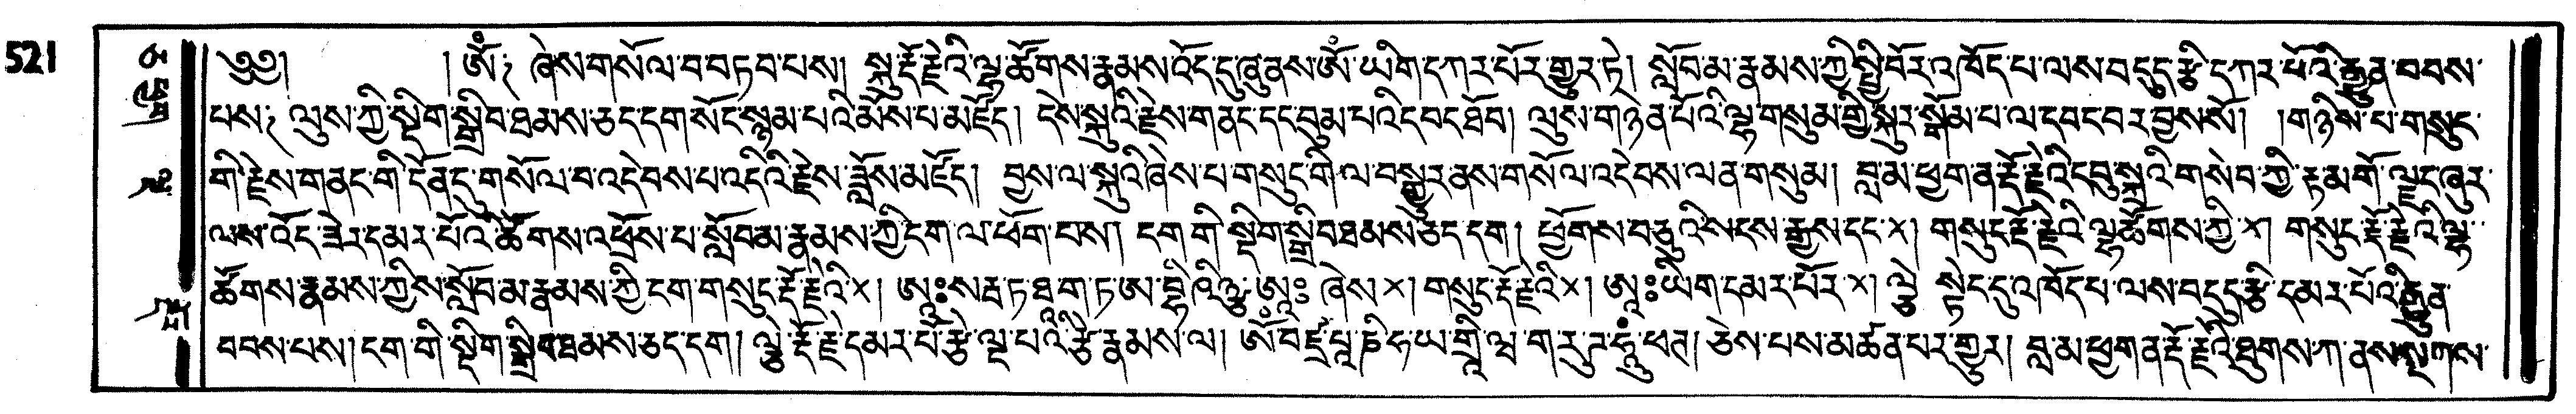༄༅། །ཨོཾ༑ ཞེས་གསོལ་བ་བཏབ་པས། སྐུ་རྡོ་རྗེའི་ལྷ་ཚོགས་རྣམས་འོད་དུ་ཞུ་ནས་ཨོཾ་ཡིག་དཀར་པོར་གྱུར་ཏེ། སློབ་མ་རྣམས་ཀྱི་སྤྱི་བོར་འཁོད་པ་ལས་བདུད་རྩི་དཀར་པོའི་རྒྱུན་བབས་
པས༑ ལུས་ཀྱི་སྡིག་སྒྲིབ་ཐམས་ཅད་དག་སོང་སྙམ་པའི་མོས་པ་མཛོད། དེས་སྐུའི་རྗེས་གནང་དང་བུམ་པའི་དབང་ཐོབ། ལུས་གཉེན་པོའི་ལྷ་གསུམ་གྱི་སྐུར་སྒོམ་པ་ལ་དབང་བར་བྱས་སོ། །གཉིས་པ་གསུང་
གི་རྗེས་གནང་གི་དོན་དུ་གསོལ་བ་འདེབས་པ་འདིའི་རྗེས་ཟློས་མཛོད། བྱས་ལ་སྐུའི་ཞེས་པ་གསུང་གི་ལ་བསྒྱུར་ནས་གསོལ་འདེབས་ལན་གསུམ། བླ་མ་ཕྱག་ན་རྡོ་རྗེའི་དབུ་སྐྲའི་གསེབ་ཀྱི་རྟ་མགོ་ལྗང་ཞུར་
ལས་འོད་ཟེར་དམར་པོའི་ཚོགས་འཕྲོས་པ་སློབ་མ་རྣམས་ཀྱི་ངག་ལ་ཕོག་པས། ངག་གི་སྡིག་སྒྲིབ་ཐམས་ཅད་དག །ཕྱོགས་བཅུའི་སངས་རྒྱས་དང་྾། གསུང་རྡོ་རྗེའི་ལྷ་ཚོགས་ཀྱི་྾། གསུང་རྡོ་རྗེའི་ལྷ་་་
ཚོགས་རྣམས་ཀྱིས་སློབ་མ་རྣམས་ཀྱི་ངག་གསུང་རྡོ་རྗེའི་྾། ཨཱཿསརྦ་ཏ་ཐཱ་ག་ཏ་ཨ་བྷི་ཥིཉྩ་ཨཱཿ ཞེས་྾། གསུང་རྡོ་རྗེའི་྾། ཨཱཿ ཡིག་དམར་པོར་྾། ལྕེ་སྟེང་དུ་འཁོད་པ་ལས་བདུད་རྩི་དམར་པོའི་རྒྱུན་
བབས་པས། ངག་གི་སྡིག་སྒྲིབ་ཐམས་ཅད་དག། ལྕེ་རྡོ་རྗེ་དམར་པོ་རྩེ་ལྔ་པའི་རྩེ་རྣམས་ལ། ཨོཾ་བཛྲ་པཱ་ཎི་ཧ་ཡ་གྲའི་ཝ་ག་རུ་ཌ་ཧཱུཾ་ཕཊ། ཅེས་པས་མཚན་པར་གྱུར། བླ་མ་ཕྱག་ན་རྡོ་རྗེའི་ཐུགས་ཀ་ནས་སྔགས་